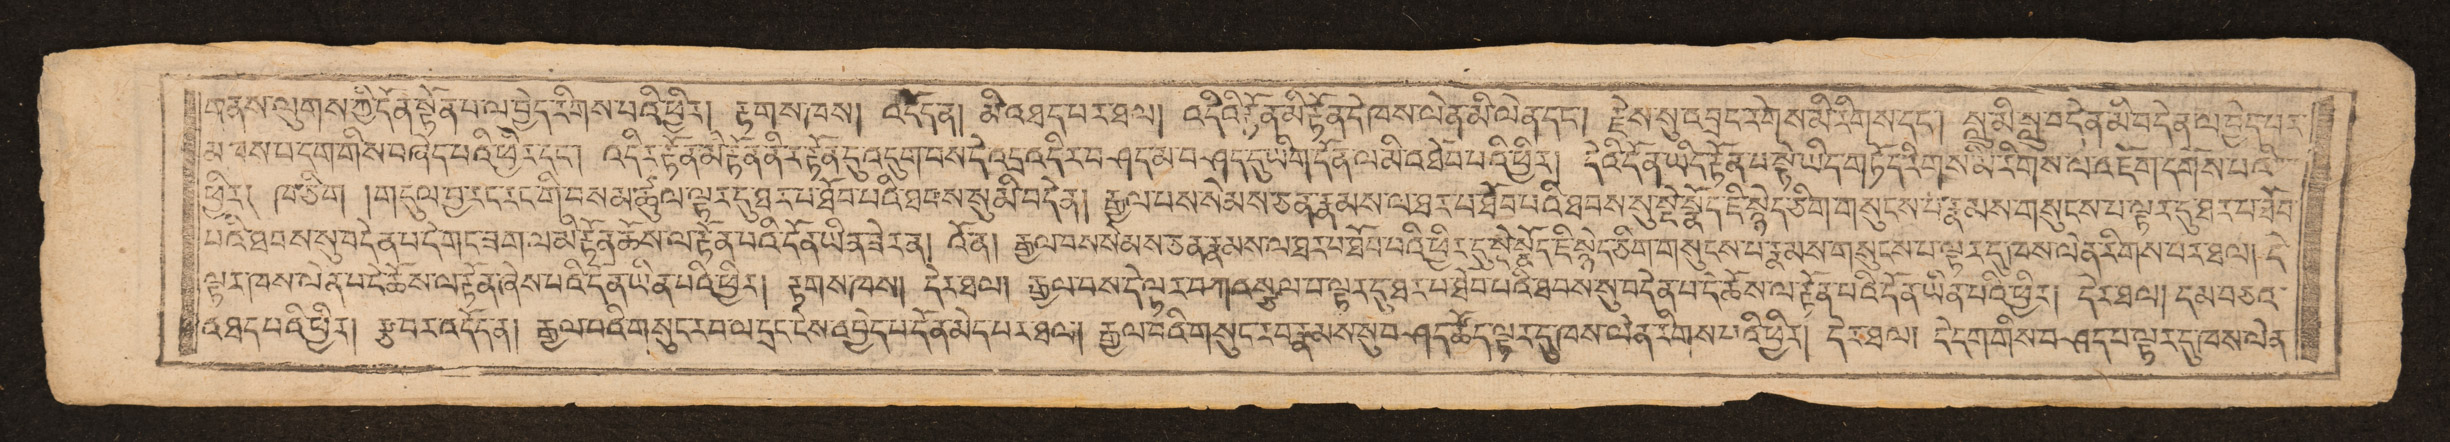གནས་ལུགས་ཀྱི་དོན་སྟོན་པ་ལ་བྱེད་རིགས་པའི་ཕྱིར། རྟགས་ཁས། འདོད་ན། མི་འཐད་པར་ཐལ། འདིའི་རྟོན་མི་རྟོན་དེ་ཁས་ལེན་མི་ལེན་དང་། རྗེས་སུ་འབྲང་རིགས་མི་རིགས་དང་། སླུ་མི་སླུ་བདེན་མི་བདེན་ལ་བྱེད་པར་
མཁས་པ་དག་གིས་བཞེད་པའི་ཕྱིར་དང་། འདིར་རྟོན་མི་རྟོན་ནི་ར་རྟོན་དུ་འཇུག་པས་དེ་འདྲ་འདིར་བཤད་མ་བཤད་དུ་ཡིག་དོན་ལ་མི་འཐོབ་པའི་ཕྱིར། དེའི་དོན་ཡིད་རྟོན་པ་སྟེ་ཡིད་གཏོད་རིགས་མི་རིགས་ལ་འཇོག་དགོས་པའི་
ཕྱིར༑ ཁ་ཅིག །གདུལ་བྱ་རང་རང་གི་བསམ་ཚུལ་ལྟར་དུ་ཐར་པ་ཐོབ་པའི་ཐབས་སུ་མི་བདེན། རྒྱལ་པས་སེམས་ཅན་རྣམས་ལ་ཐར་བ་ཐོབ་པའི་ཐབས་སུ་སྡེ་སྣོད་ཇི་སྙེད་ཅིག་གསུངས་པ་རྣམས་གསུངས་པ་ལྟར་དུ་ཐར་པ་ཐོབ་
པའི་ཐབས་སུ་བདེན་པ་དེ་གང་ཟག་ལ་མི་རྟོན་ཆོས་ལ་རྟོན་པའི་དོན་ཡིན་ཟེར་ན། འོ་ན། རྒྱལ་བས་སེམས་ཅན་རྣམས་ལ་ཐར་བ་ཐོབ་པའི་ཕྱིར་དུ་སྡེ་སྣོད་ཇི་སྙེད་ཅིག་གསུངས་པ་རྣམས་གསུངས་པ་ལྟར་དུ་ཁས་ལེན་རིགས་པར་ཐལ། དེ་
ལྟར་ཁས་ལེན་པ་དེ་ཆོས་ལ་རྟོན་ཞེས་པའི་དོན་ཡིན་པའི་ཕྱིར། རྟགས་ཁས། དེར་ཐལ། རྒྱལ་བས་དེ་ལྟར་བཀའ་སྩལ་བ་ལྟར་དུ་ཐར་པ་ཐོབ་པའི་ཐབས་སུ་བདེན་པ་དེ་ཆོས་ལ་རྟོན་པའི་དོན་ཡིན་པའི་ཕྱིར། དེར་ཐལ། དམ་བཅའ་
འཐད་པའི་ཕྱིར། རྩ་བར་འདོད་ན། རྒྱལ་བའི་གསུང་རབ་ལ་དྲང་ངེས་འབྱེད་པ་དོན་མེད་པར་ཐལ། རྒྱལ་བའི་གསུང་རབ་རྣམས་སུ་བཤད་ཚོད་ལྟར་དུ་ཁས་ལེན་རིགས་པའི་ཕྱིར། དེར་ཐལ། དེ་དག་གིས་བཤད་པ་ལྟར་དུ་ཁས་ལེན་